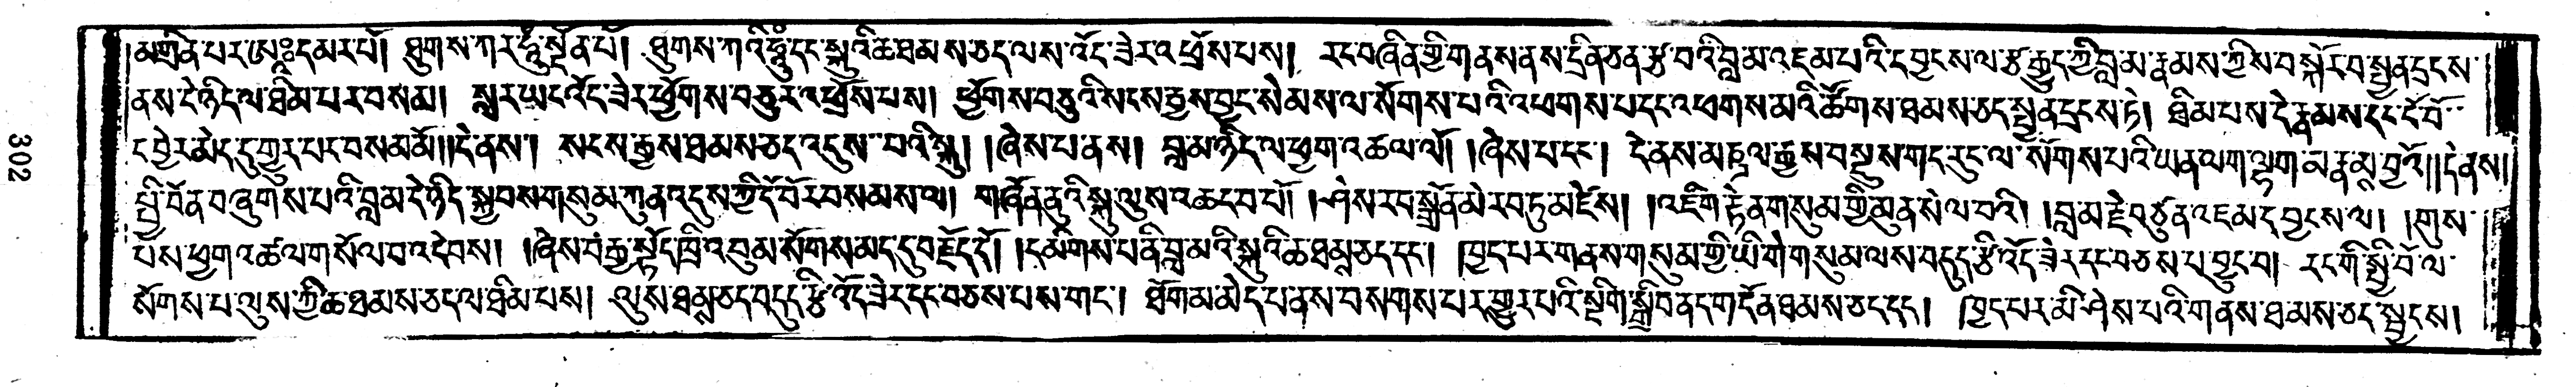མགྲིན་པར་ཨཱཿ དམར་པོ། ཐུགས་ཀར་ཧཱུཾ་སྔོན་པོ། ཐུགས་ཀའི་ཧཱུཾ་དང་སྐུའི་ཆ་ཐམས་ཅད་ལས་འོད་ཟེར་འཕྲོས་པས། རང་བཞིན་གྱི་གནས་ནས་དྲིན་ཅན་རྩ་བའི་བླ་མ་འཇམ་པའི་དབྱངས་ལ་རྩ་རྒྱུད་ཀྱི་བླ་མ་རྣམས་ཀྱིས་བསྐོར་བ་སྤྱན་དྲངས་
ནས་དེ་ཉིད་ལ་ཐིམ་པར་བསམ། སླར་ཡང་འོད་ཟེར་ཕྱོགས་བཅུར་འཕྲོས་པས། ཕྱོགས་བཅུའི་སངས་རྒྱས་བྱང་སེམས་ལ་སོགས་པའི་འཕགས་པ་དང་འཕགས་མའི་ཚོགས་ཐམས་ཅད་སྤྱན་དྲངས་ཏེ། ཐིམ་པས་དེ་རྣམས་དང་ངོ་བོ་
དབྱེར་མེད་དུ་གྱུར་པར་བསམ་མོ། །དེ་ནས། སངས་རྒྱས་ཐམས་ཅད་འདུས་པའི་སྐུ། །ཞེས་པ་ནས། བླ་མ་ཉིད་ལ་ཕྱག་འཚལ་ལོ། །ཞེས་པ་དང་། དེ་ནས་མཎྜལ་རྒྱས་བསྡུས་གང་རུང་ལ་སོགས་པའི་ཡན་ལག་ལྷག་མ་རྣམས་བྱའོ། །དེ་ནས།
སྤྱི་བོ་ན་བཞུགས་པའི་བླ་མ་དེ་ཉིད་སྐྱབས་གསུམ་ཀུན་འདུས་ཀྱི་དོ་བོར་བསམས་ལ། གཞོན་ནུའི་སྐུ་ལུས་འཆང་བ་པོ། །ཤེས་རབ་སྒྲོན་མེ་རབ་ཏུ་མཛེས། །འཇིག་རྟེན་གསུམ་གྱི་མུན་སེལ་བའི། །བླ་མ་རྗེ་བཙུན་འཇམ་དབྱངས་ལ། །གུས་
པས་ཕྱག་འཚལ་གསོལ་བ་འདེབས། །ཞེས་བརྒྱ་སྟོང་ཁྲི་འབུམ་སོགས་མང་དུ་བརྗོད་དོ། །དམིགས་པ་ནི་བླ་མའི་སྐུའི་ཆ་ཐམས་ཅད་དང་། ཁྱད་པར་གནས་གསུམ་གྱི་ཡི་གེ་གསུམ་ལས་བདུད་རྩི་འོད་ཟེར་དང་བཅས་པ་བྱུང་བ། རང་གི་སྤྱི་བོ་ལ་
སོགས་པ་ལུས་ཀྱི་ཆ་ཐམས་ཅད་ལ་ཐིམ་པས། ལུས་ཐམས་ཅད་བདུད་རྩི་འོད་ཟེར་དང་བཅས་པས་གང་། ཐོག་མ་མེད་པ་ནས་བསགས་པར་གྱུར་པའི་སྡིག་སྒྲིབ་ནད་གདོན་ཐམས་ཅད་དང་། ཁྱད་པར་མི་ཤེས་པའི་གནས་ཐམས་ཅད་སྦྱངས།